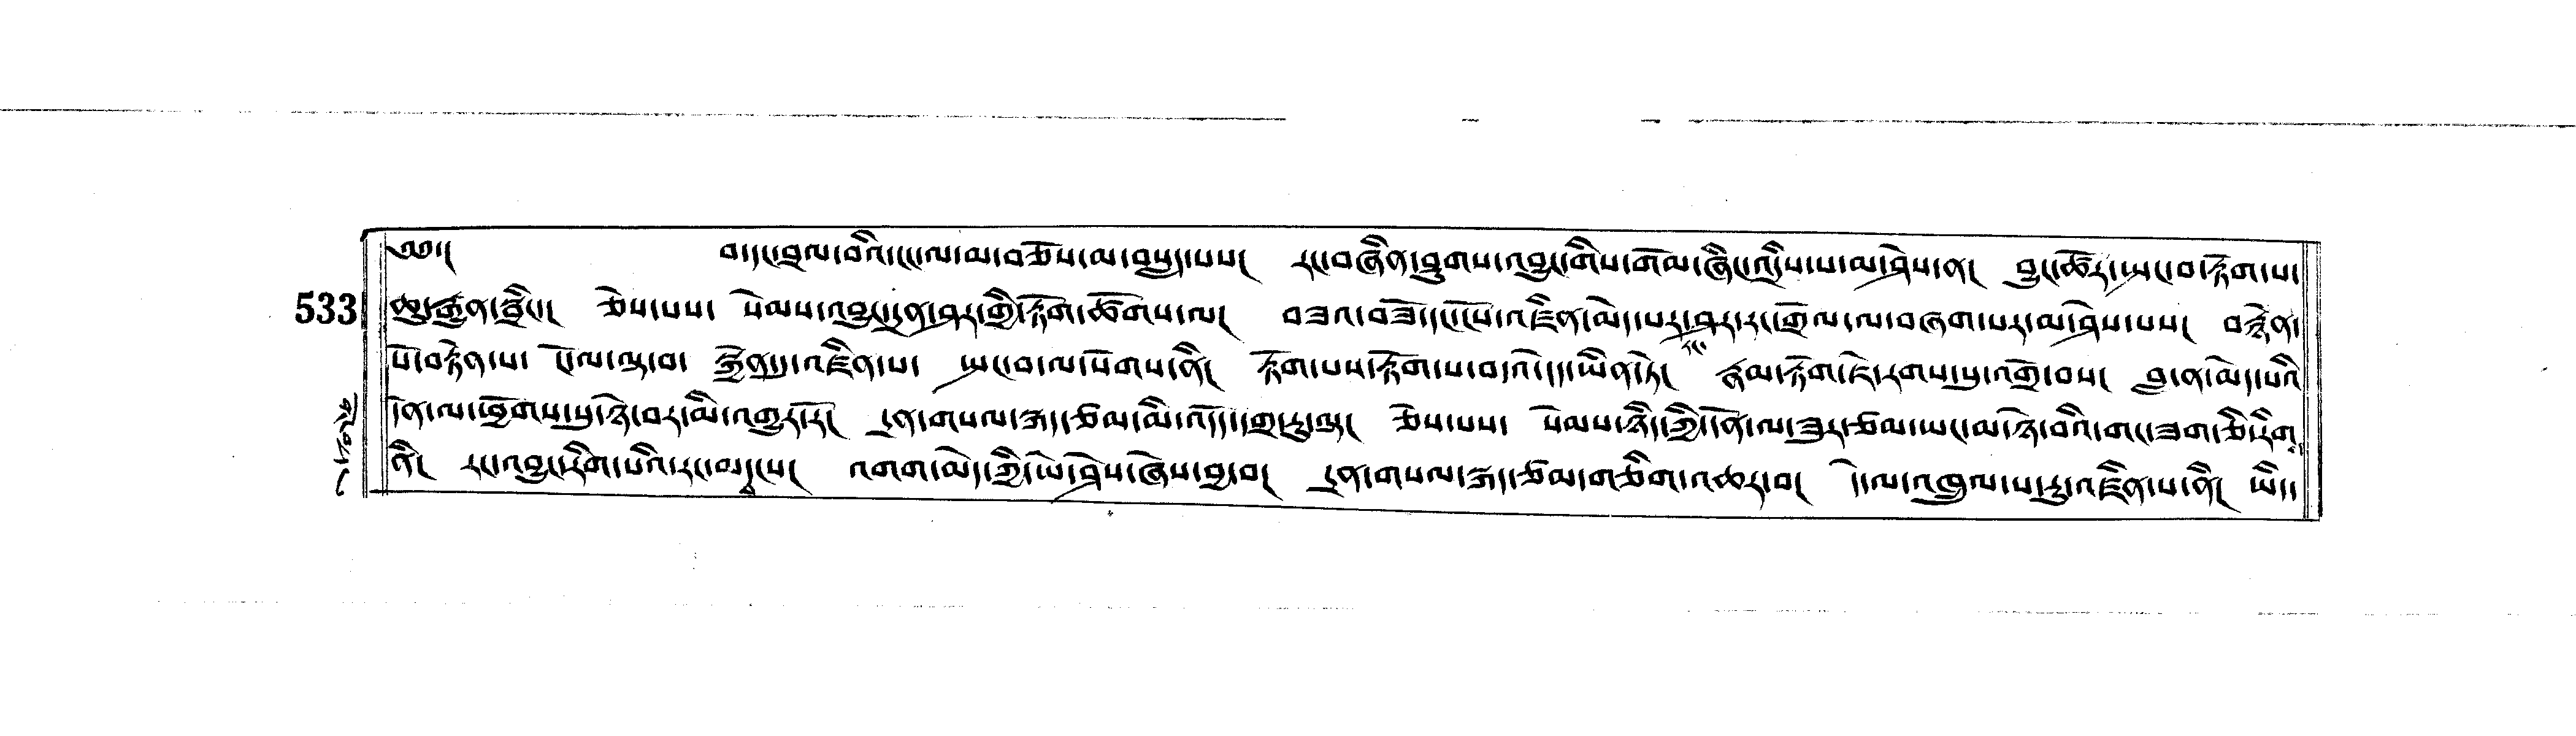བ་དང་བྲལ་བའི་ངང་ལ་མ་བཅོས་མ་བསླད་པས། རང་བཞིན་ཤུགས་འབྱུང་གིས་གོམས་ཤིང་འདྲིས་པ་མ་ཤེས་ན། བྱུང་ཚོར་སྤང་བ་རྟོགས་པ་
ཆུ་རྒྱུན་སྦྲིངས། ཅེས་པས། སེམས་བྱུང་དྲན་ཤར་གྱི་རྟོགས་ཚོགས་ལ། བཟའ་བཟོ་དང་ངོས་འཛིན་མེད་པར་རང་ཤར་རང་གྲོལ་ལ་བཞག་པར་མ་ཤེས་པས། གཉེན་
པོ་བསྟེན་པ། ངོ་ལ་ལྟ་བ། སྐྱོན་དུ་འཛིན་པ། སྤང་བ་ལ་སོགས་ནི། རྟོག་པས་རྟོག་པ་བདའ་དེད་ཡིན་ཏེ། རྣམ་རྟོག་ཇེ་རགས་སུ་འགྲོ་བས། བླ་ན་མེད་པའི་
དོན་ལ་ཕྱོགས་སུ་ཉེ་བར་མི་འགྱུར་རོ། དྲན་གསལ་སྐད་ཙམ་མི་འདོད་དགྲ་རུ་ལྟ། ཅེས་པས། སེམས་ཉིད་ཀྱི་དོན་ལ་ཟུར་ཙམ་ཡང་མ་ཉེ་བའི་གང་ཟག་ཅི་རིགས་
ནི། རང་འབྱུང་རིག་པའི་རང་མདངས། འགག་མེད་ཀྱི་ཡེ་ཤེས་ཞེས་བྱ་བ། དྲན་གསལ་སྐད་ཙམ་ཅིག་འཆར་བ། དེ་ལ་འཁྲུལ་པ་རུ་འཛིན་པ་ནི། ཡིད་